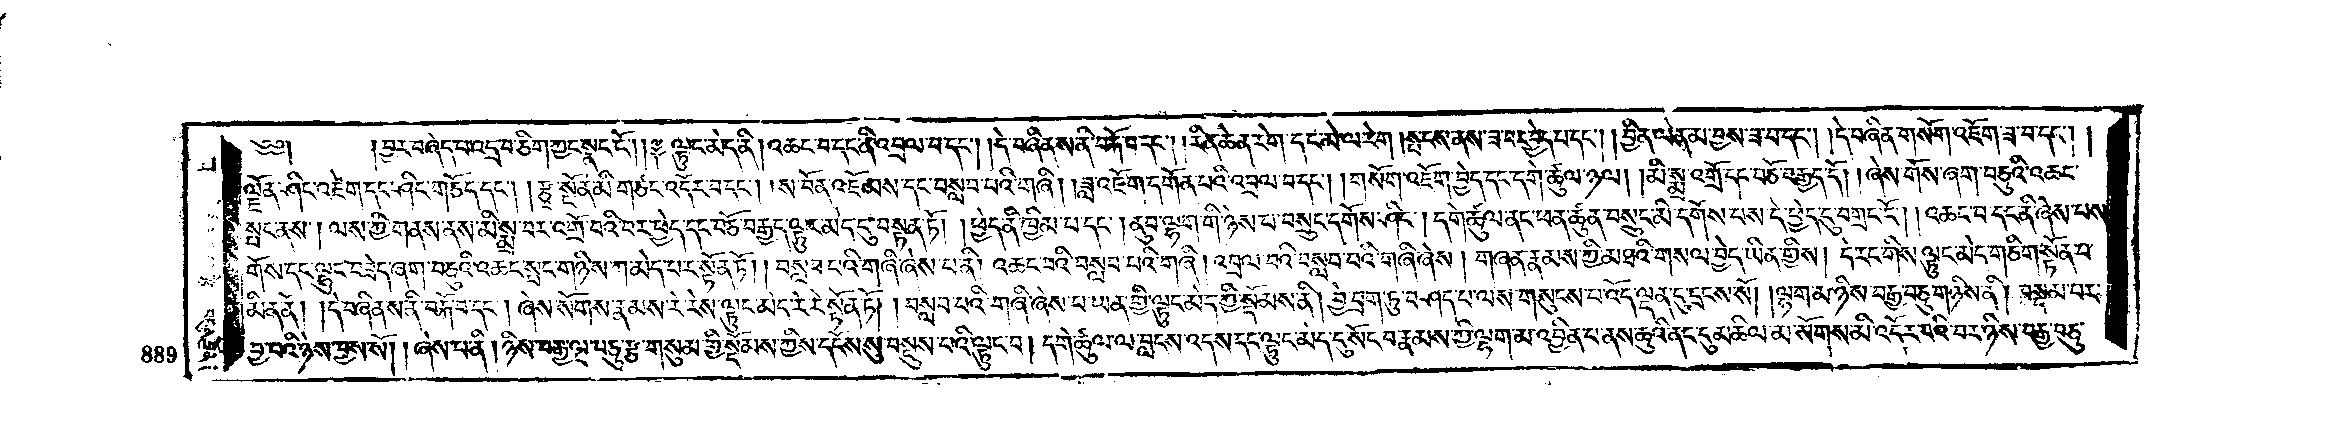༄༅། །བྱར་བཞེད་པ་འདྲ་བ་ཅིག་ཀྱང་སྣང་ངོ།། ༈ ལྟུང་མེད་ནི། འཆང་བ་དང་ནི་འབྲལ་བ་དང་། །དེ་བཞིན་ས་ནི་བརྐོ་བ་དང་། །རིན་ཆེན་རེག་དང་མེ་ལ་རེག །སྤངས་ནས་ཟ་བར་བྱེད་པ་དང་། །བྱིན་ལེན་མ་བྱས་ཟ་བ་དང་། །དེ་བཞིན་གསོག་འཇོག་ཟ་བ་དང་། །
ལྗོན་ཤིང་འཛེག་དང་ཤིང་གཅོད་དང་། །རྩྭ་སྔོན་མི་གཙང་འདོར་བ་དང་། །ས་བོན་འཇོམས་དང་བསླབ་པའི་གཞི། །ཟླ་འཇོག་དགོན་པའི་འབྲལ་བ་དང་། །གསོག་འཇོག་བྱེད་དང་དགེ་ཚུལ་ཉལ། །མི་སྨྲ་འགྲོ་དང་བཅོ་བརྒྱད་དོ། །ཞེས་གོས་ཞག་བཅུའི་འཆང་
སྤང་ནས། ལས་ཀྱི་གནས་ནས་མི་སྨྲ་བར་འགྲོ་བའི་བར་ཕྱེད་དང་བཅོ་བརྒྱད་ལྟུང་མེད་དུ་བསྟན་ཏོ། །ཕྱེད་ནི་ཁྱིམ་པ་དང་། ནུབ་ལྷག་གི་ཉེས་པ་བསྲུང་དགོས་ཤིང་། དགེ་ཚུལ་ནང་ཕན་ཚུན་བསྲུང་མི་དགོས་པས་དེ་ཕྱེད་དུ་བགྲང་ངོ། །འཆང་བ་དང་ནི་ཞེས་པས་
གོས་དང་ལྷུང་བཟེད་ཞག་བཅུའི་འཆང་སྤང་གཉིས་ཀ་མེད་པར་སྟོན་ཏོ། །བསླབ་པའི་གཞི་ཞེས་པ་ནི། འཆང་བའི་བསླབ་པའི་གཞི། འབྲལ་བའི་བསླབ་པའི་གཞི་ཞེས། གཞན་རྣམས་ཀྱི་མཐའི་གསལ་བྱེད་ཡིན་གྱིས། དེ་རང་གིས་ལྟུང་མེད་གཅིག་སྟོན་པ་
མིན་ནོ། །དེ་བཞིན་ས་ནི་བརྐོ་བ་དང་། ཞེས་སོགས་རྣམས་རེ་རེས་ལྟུང་མེད་རེ་རེ་སྟོན་ཏོ། །བསླབ་པའི་གཞི་ཞེས་པ་ཡན་གྱི་ལྟུང་མེད་ཀྱི་སྡོམས་ནི། བྱེ་བྲག་ཏུ་བཤད་པ་ལས་གསུངས་པ་འོད་ལྡན་དུ་དྲངས་སོ། །ལྷག་མ་ཉིས་བརྒྱ་བཅུ་གཉིས་ནི། བསྡམ་པར་
བྱ་བའི་ཉེས་བྱས་སོ། །ཞེས་པ་ནི། ཉིས་བརྒྱ་ལྔ་བཅུ་རྩ་གསུམ་གྱི་སྡོམས་ཀྱིས་དངོས་སུ་བསྡུས་པའི་ལྟུང་བ། དགེ་ཚུལ་ལ་བླངས་འདས་དང་ལྟུང་མེད་དུ་སོང་བ་རྣམས་ཀྱི་ལྷག་མ་འབྱིན་པ་ནས་ཆུའི་ནང་དུ་མཆིལ་མ་སོགས་མི་འདོར་བའི་བར་ཉིས་བརྒྱ་བཅུ་